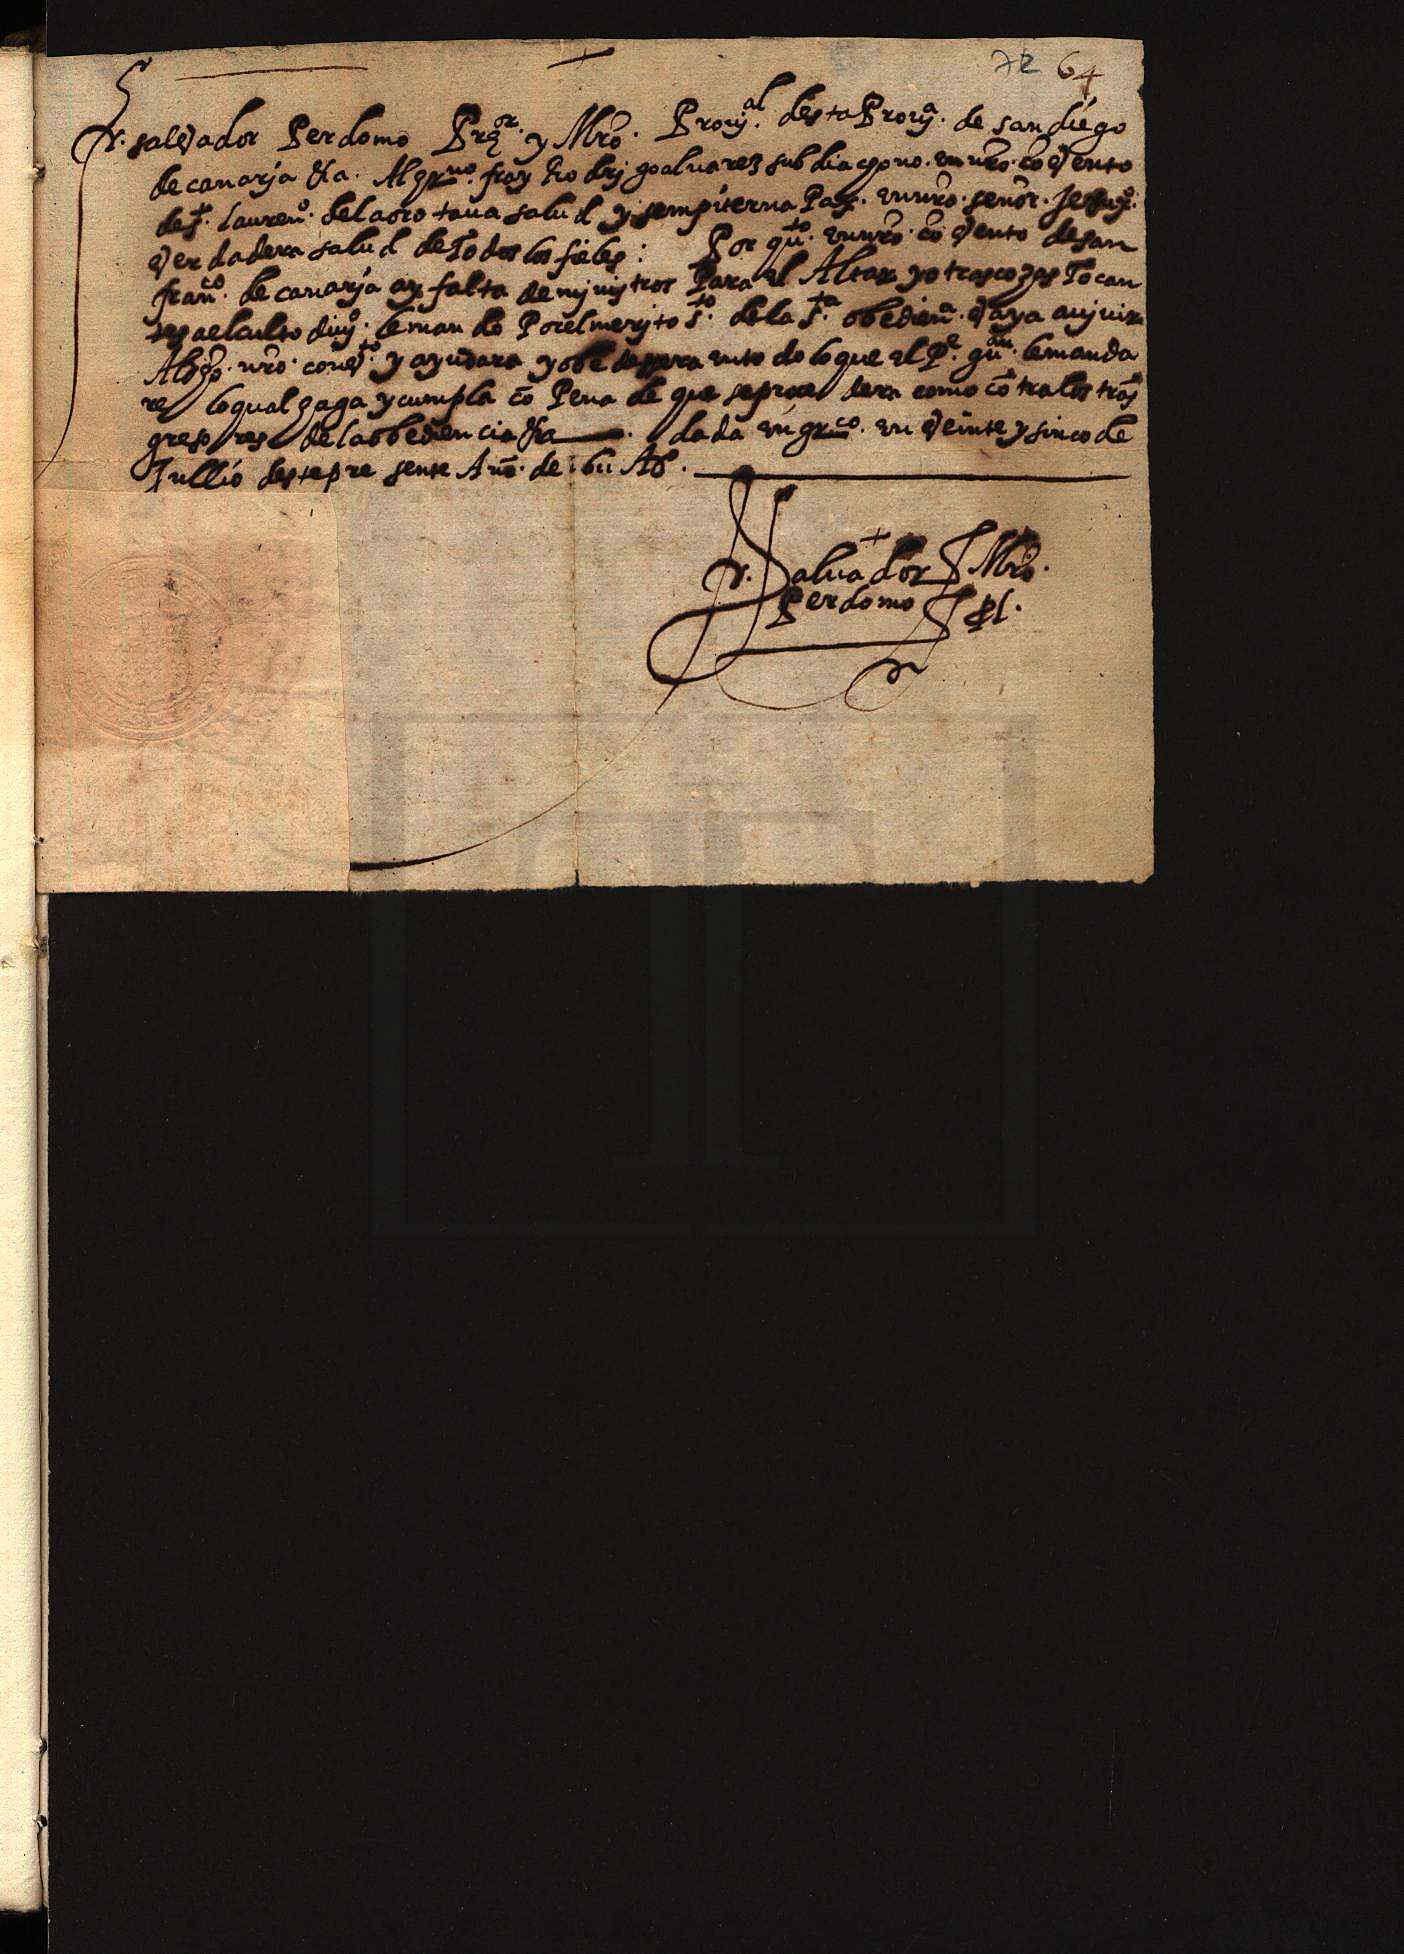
64
fr. salvador Perdomo Prgor. y Mrō. Prouj.al desta Prouj.a de san diego
de canarja &a. Alqrno. fray Rodrjgo aluarez subdiachono Em nr̄o cōvento
de s.to laureno. de la orotaua salud y sempiterna Pax. En nr̄o. senōr. Jesu x.o
verdadera salud de Todos los fieles: Porqu.to En nr̄o. cōvento de san
franco. de cauarja ay falta de mjnistros Para El Altar y otras cozas Tocan
tes a el culto diuj.o le mando Por el merjto s.to de la S.ta obedien.a q̄ aya a ujuir
Al dh̄o. nr̄o. conv.to y ayudara y obedessera En todo lo que El P.e gu.am le manda
ra lo qual haga y cumpla cō Pena de que se procedera como cōtra los trās
gresores de la obediencia &a. dada En gr.co En Veinte y sinco de
Jullio deste presente Anō. de 611 Aso.
fr. Saluador Mrō.
perdomo ꝓl.
